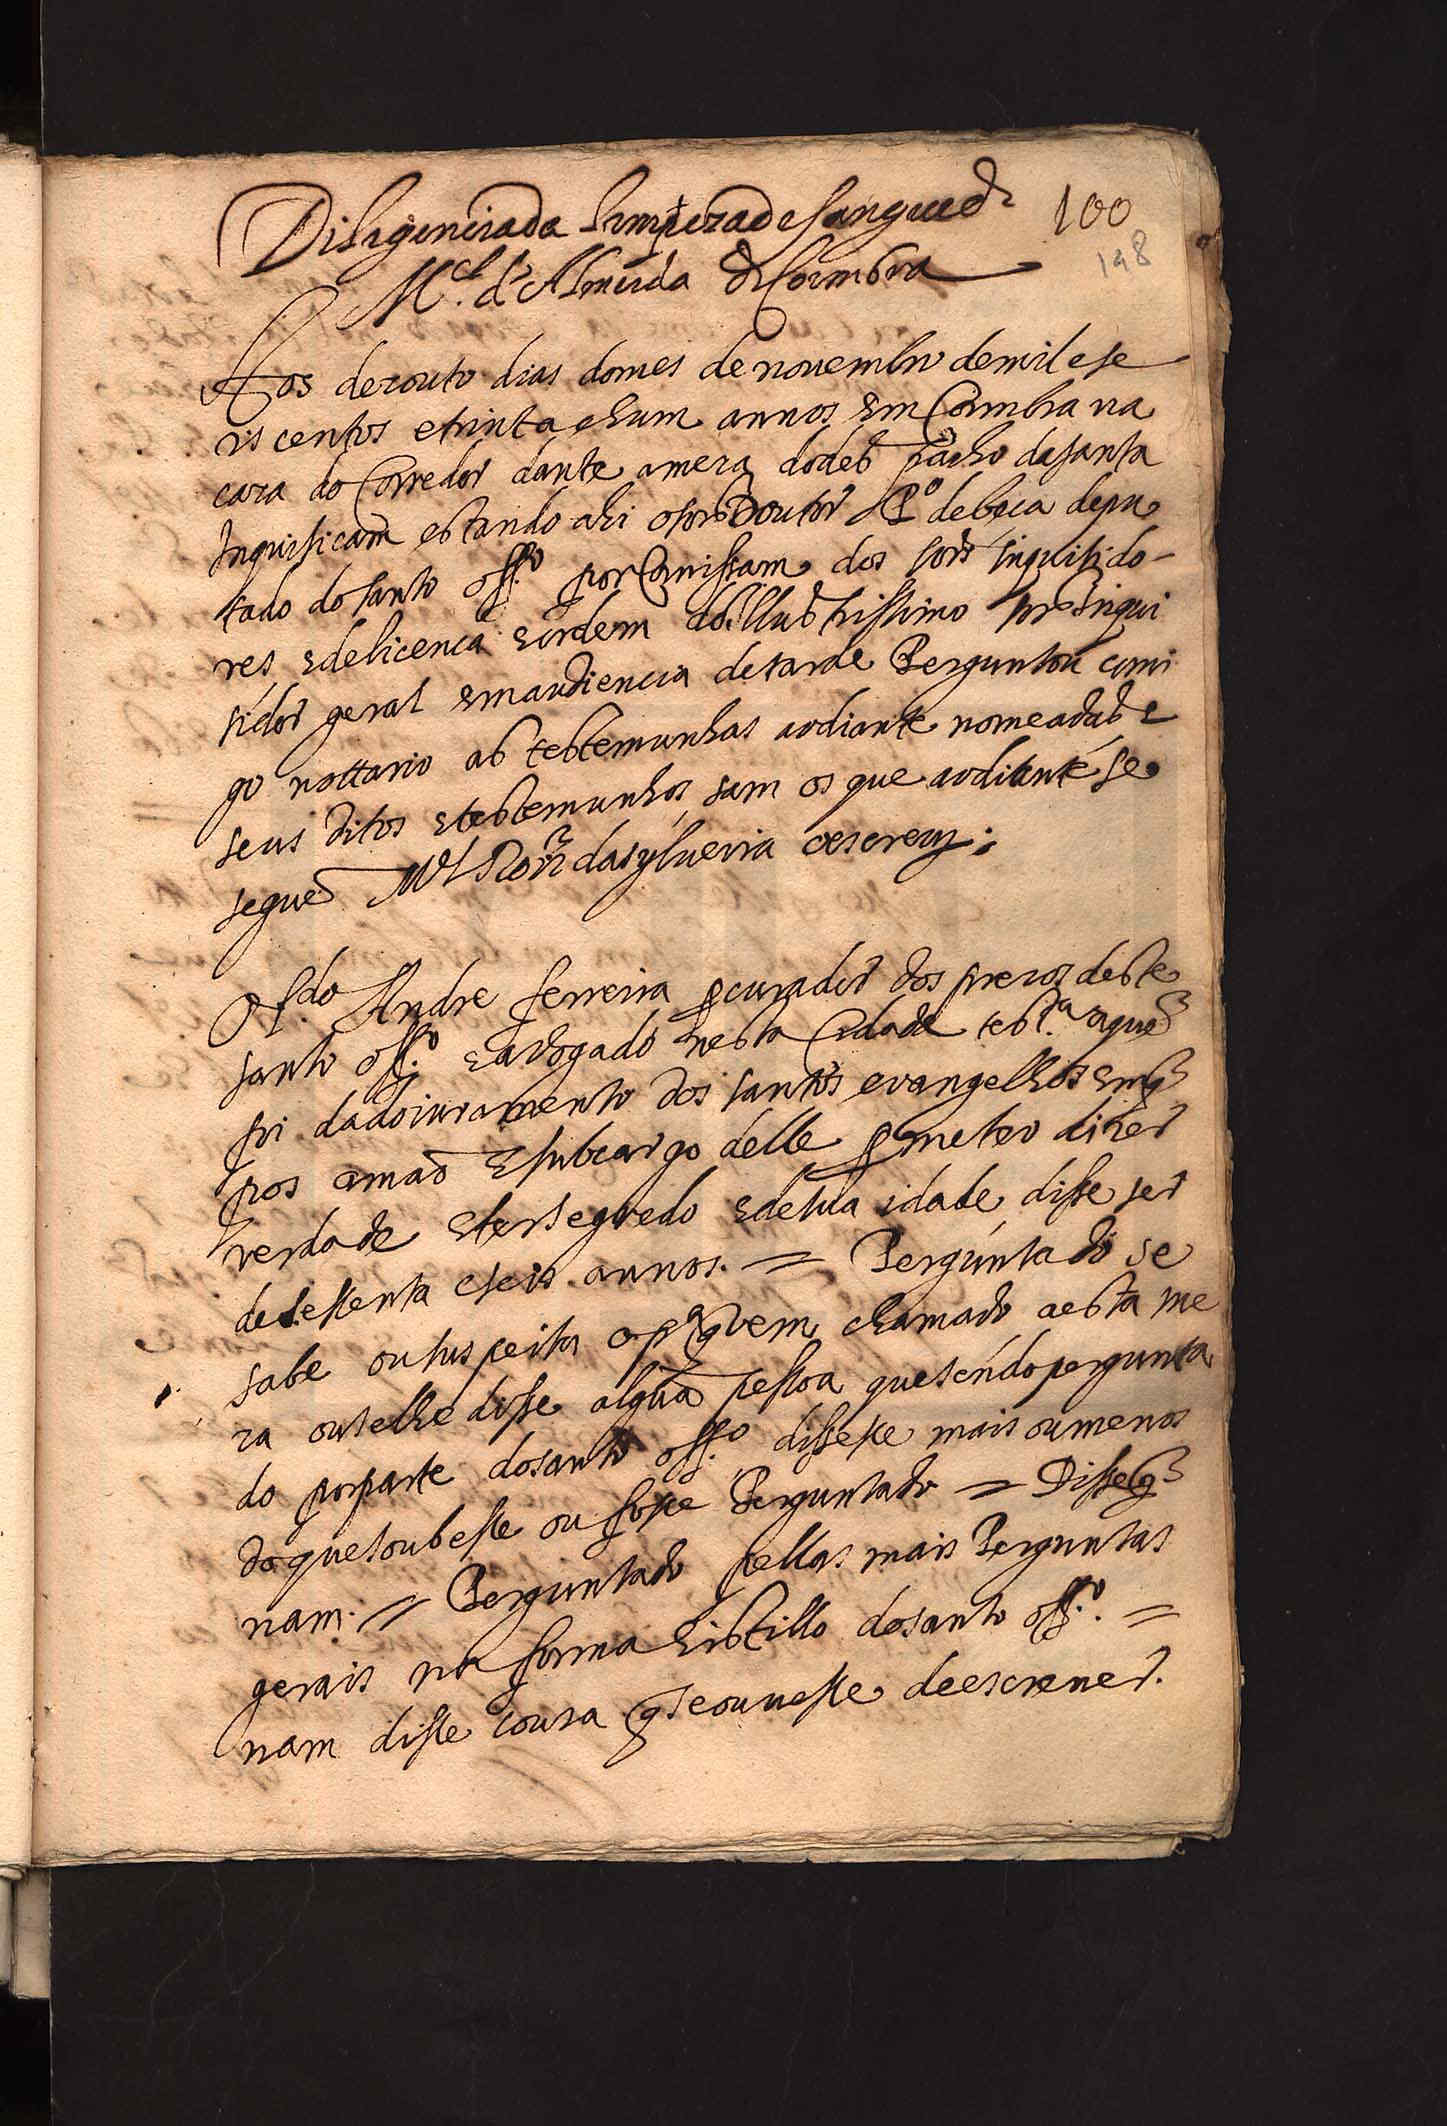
Diligencia da limpeza de Sangue de
M.el d'Almeida de Coimbra
Aos dezouto dias do mes de nouembro de mil e se
iscentos e trinta e hum annos Em Coimbra na
caza do Corredor dante a meza do despacho da santa
Inquisicam estando ahi o sor Doutor Po de beça depu
tado do Santo off.o por Comissam dos Sors Inquisido
res, E de licença E ordem do Illustrissimo sor Inqui
sidor geraL Em audiencia de tarde Perguntou comi
go nottario as testemunhas ao diante nomeadas E
seus ditos E testemunhos, sam os que ao diante se
seguē Mel Roīz da sylueira o escreuj;
O L.do Andre ferreira ꝓcurador dos prezos deste
santo off.o E avogado nesta Cidade testa a quē
foi dado iuramento dos santos evangelhos Em q̄
pos a maõ E sub cargo delle ꝓmeteo dizer
verdade E ter segredo E de sua idade, disse ser
de sessenta e seis annos. = Perguntado se
sabe ou suspeita o pa q̄ vem chamado a esta me
za ou se lhe disse alguā pessoa que sendo pergunta
do por parte do santo off.o dissesse mais ou menos
do que soubesse ou fosse Perguntado = Disse q̄
nam. = Perguntado pellas mais Perguntas
gerais na forma E istillo do santo off.o. =
nam disse couza q̄ se ouuesse de escreuer.
